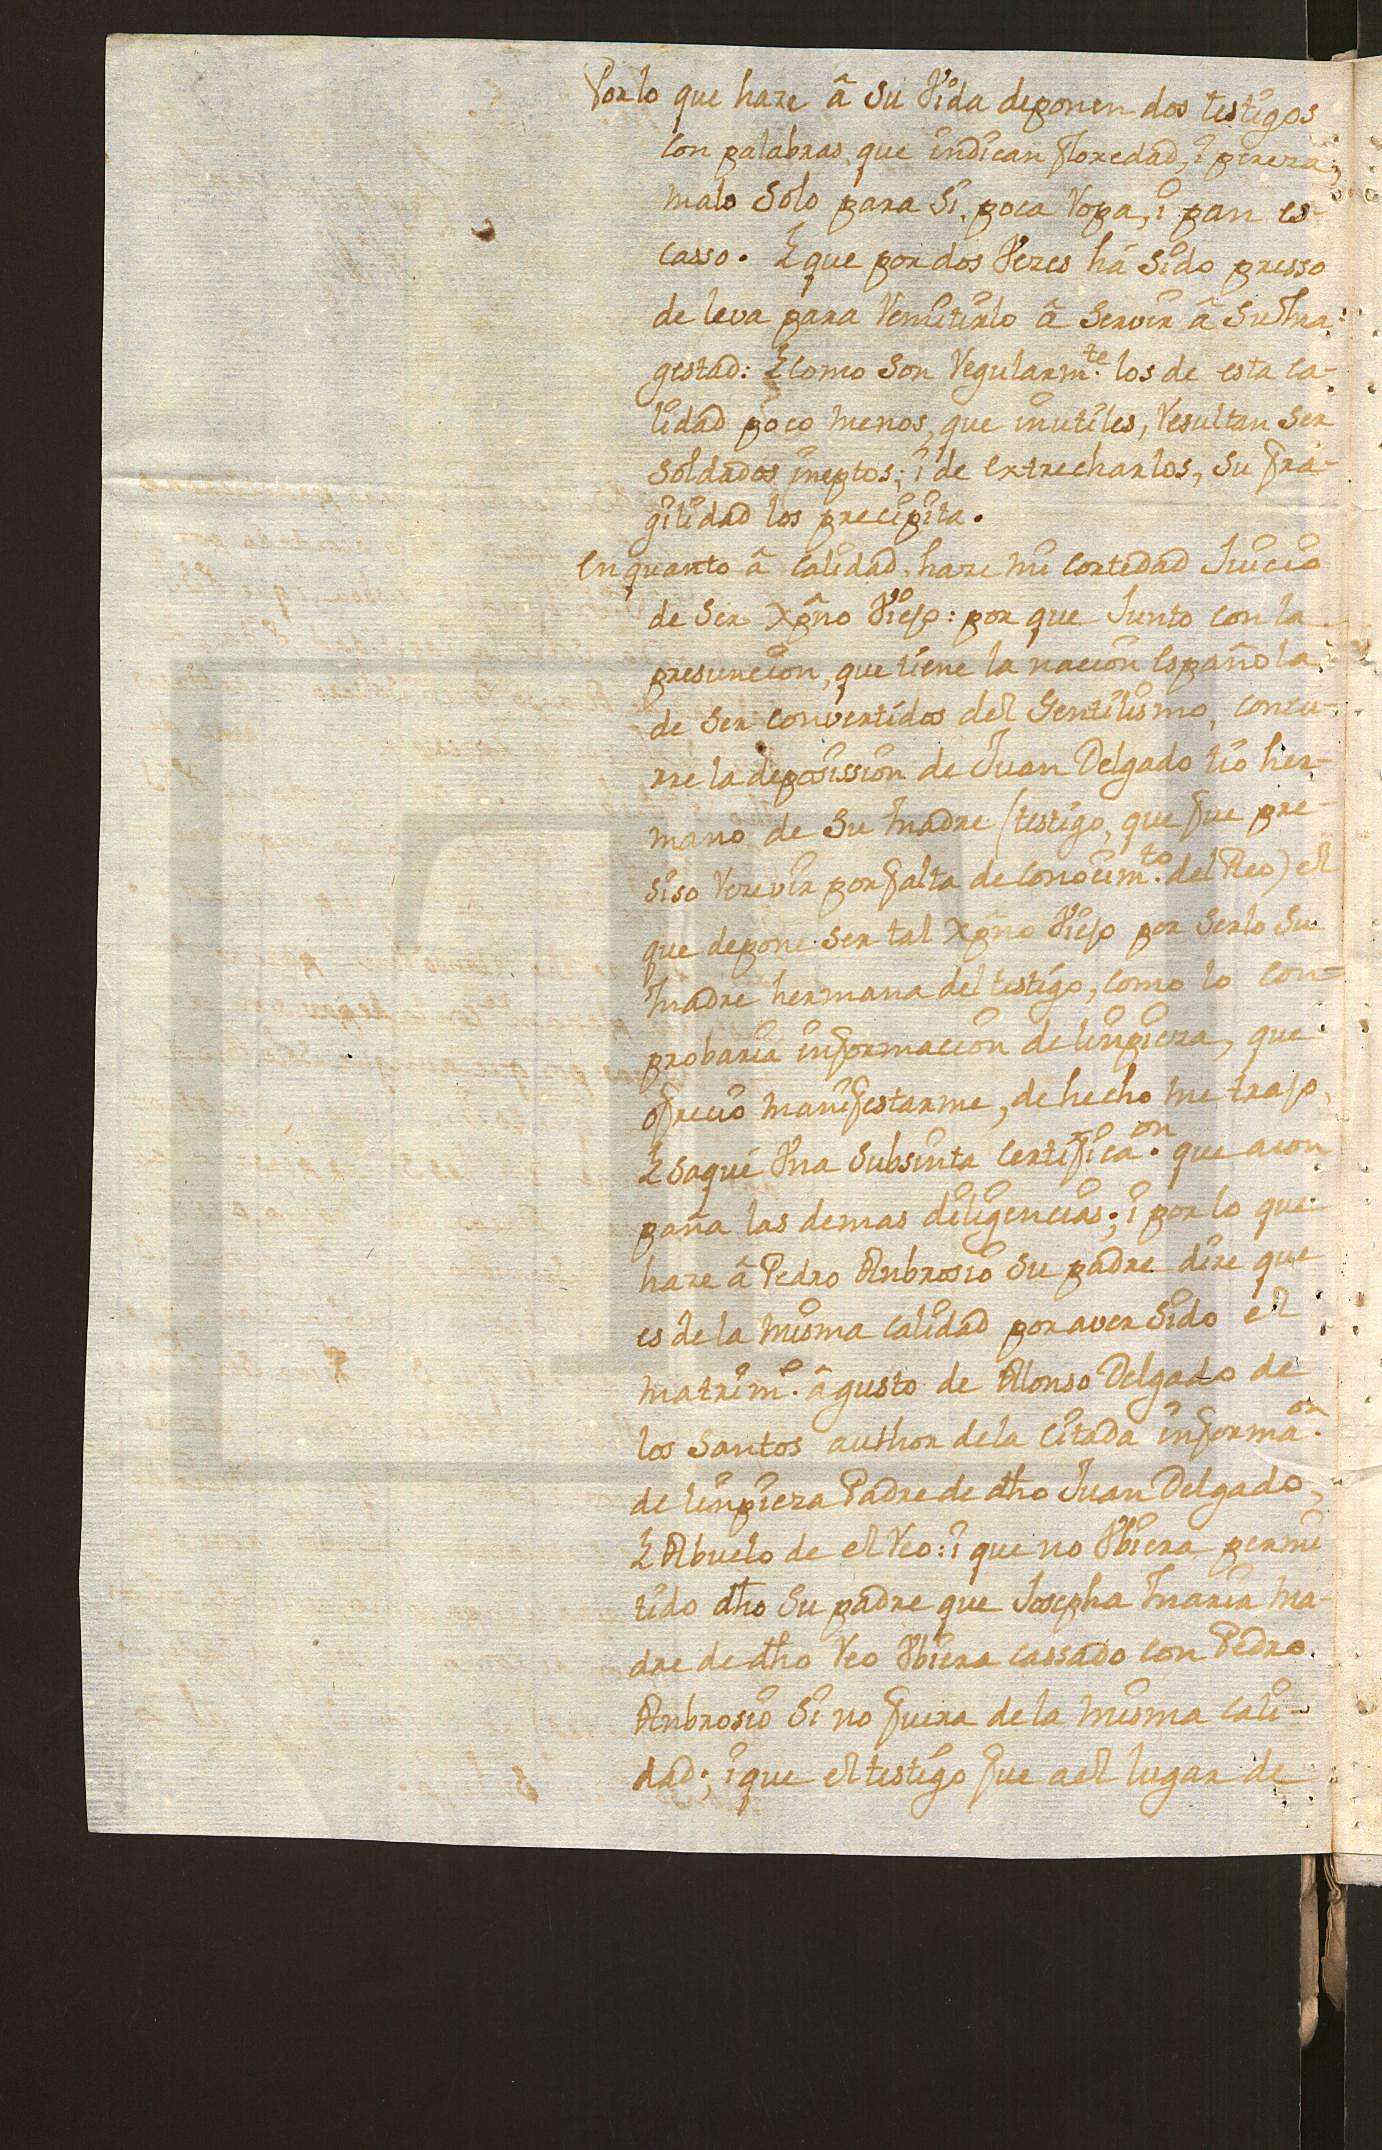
Por lo que haze â su Vida deponen dos testigos
con palabras que indican floxedad, i pereza
malo Solo para Si, poca Ropa, i pan es
casso. Y que por dos Vezes há sido presso
de leva para Remitirlo â Servir â Su Ma
gestad: Y como Son Regularm.te los de esta ca
lidad poco menos, que inutiles, Resultan ser
Soldados ineptos; i de Extrecharlos, Su fra
gilidad los precepita.
Enquanto â calidad haze mi cortedad Iuicio
de Ser Xpn̄o Viejo: por que Iunto con la
presuncion, que tiene la nacion Española
de Ser convertidos del Gentilismo, concu
rre la deposission de Iuan Delgado tio her
mano de Su Madre (testigo, que fue pre
siso Rezevir por falta de conocim.to del Reo) el
que depone ser tal Xpn̄o Viejo por Serlo Su
Madre hermana del testigo, como lo con
probaria informacion de linpieza, que
ofrecio manifestarme, de hecho me trajo
Y Saqué Vna Subsinta certefica.on que acon
paña las demas diligencias; i por lo que
haze â Pedro Anbrosio Su padre dire que
es de la misma calidad por aver Sido el
matrim.o â gusto de Alonso Delgado de
los Santos author de la citada informa.on
de linpieza Padre de d̄ho Iuan Delgado.
Y Abuelo de el Reo: i que no Vbiera permi
tido d̄ho Su padre que Iosepha Maria ma
dre de d̄ho Reo Vbiera cassado con Pedro
Anbrosio Si no fuera de la misma cali
dad; e que el testigo fue a el lugar de
